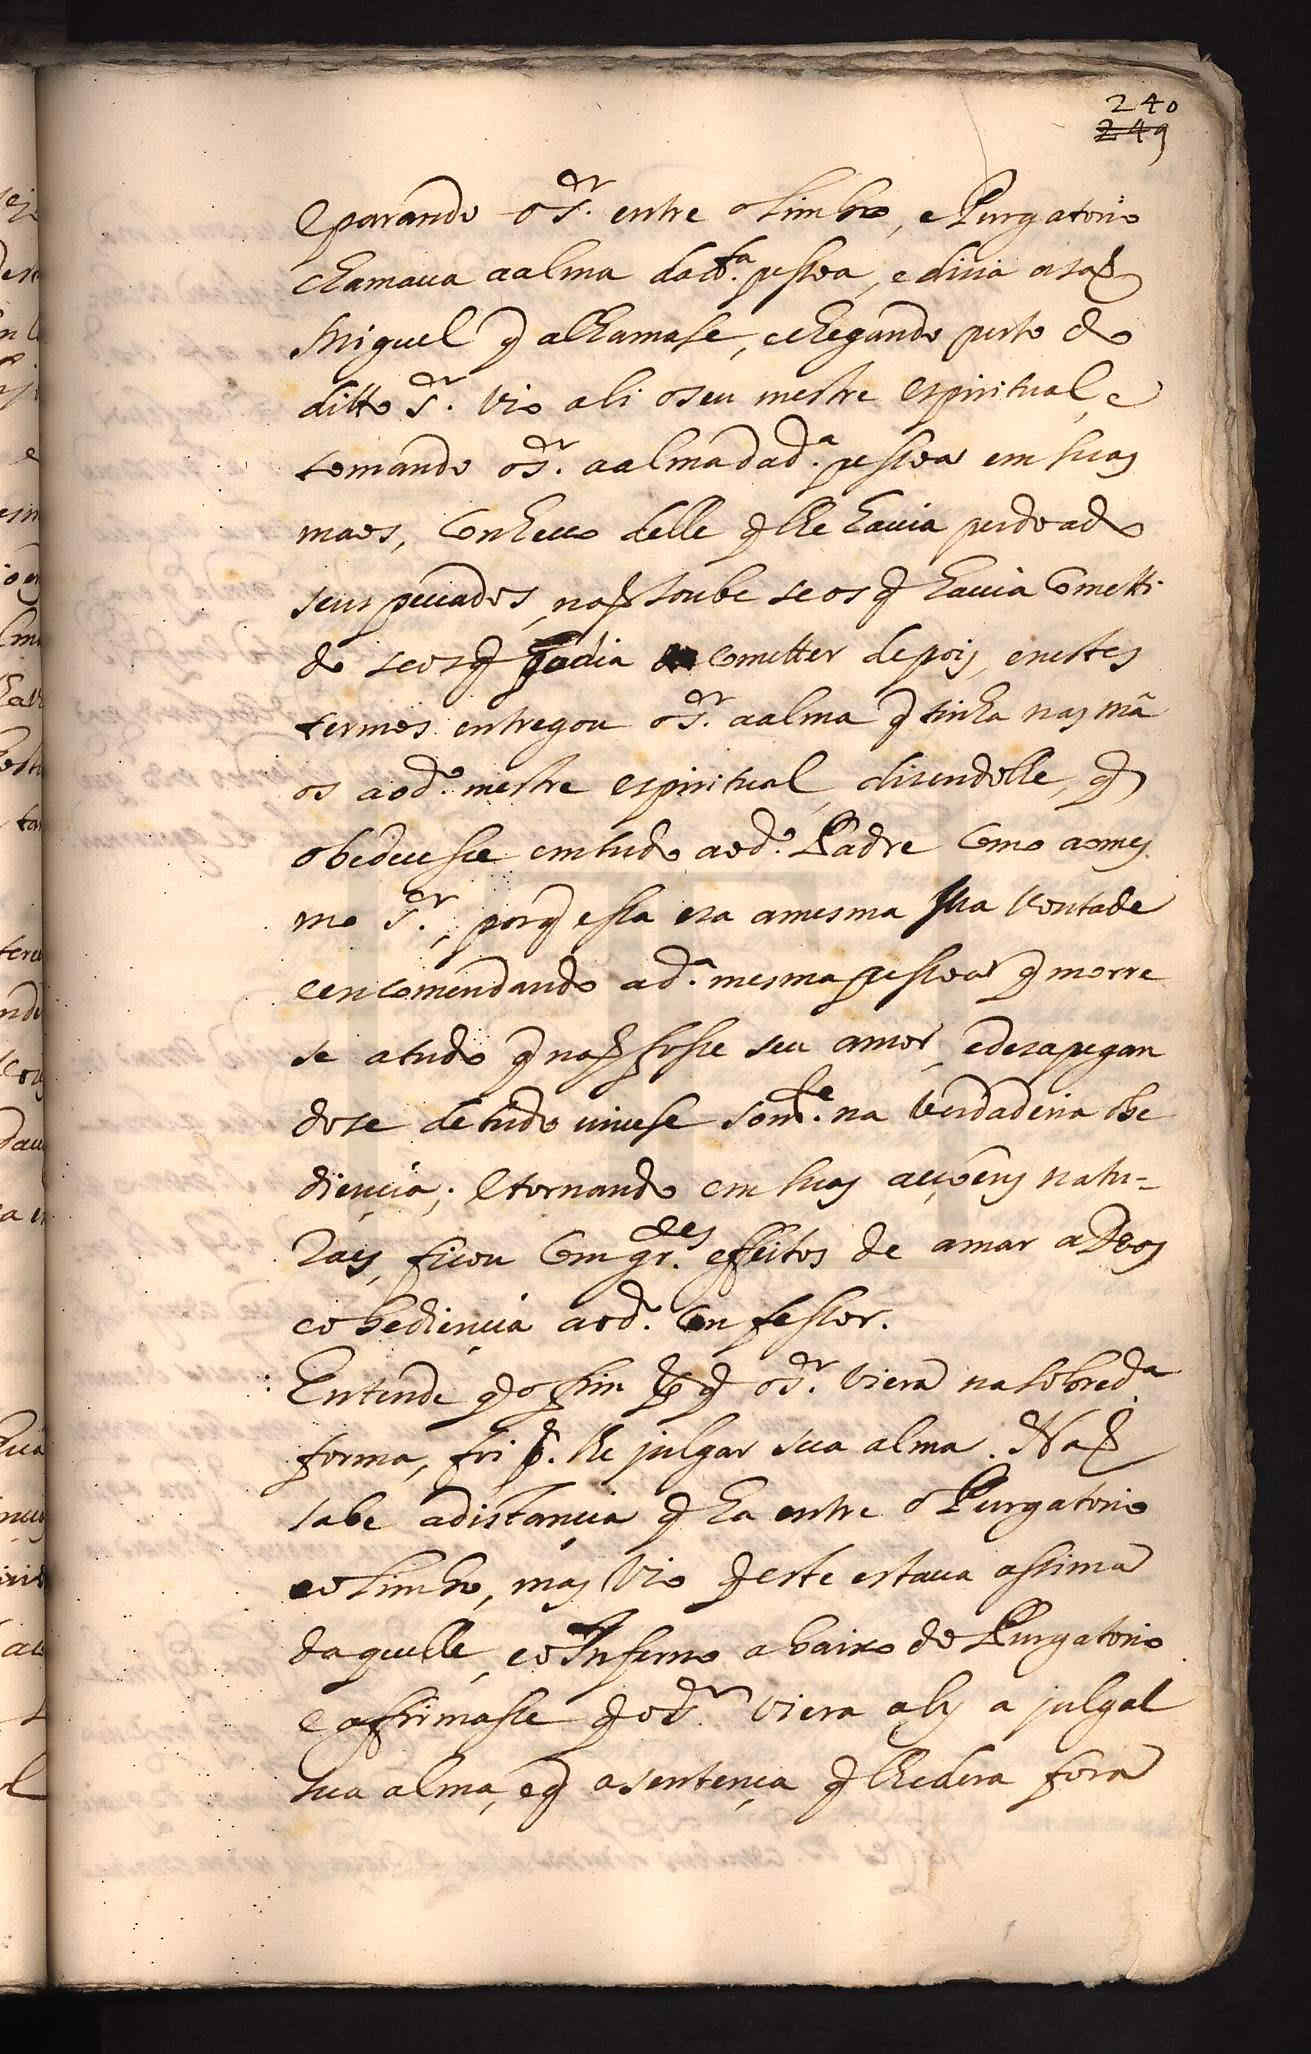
240
e parando o s.or entre o Limbo, e Purgatorio
chamaua a alma da d̄a pessoa, e dizia a saõ
Miguel q̄ a chamase, e chegando perto do
ditto s.or vio ali o seu mestre espiritual, e
tomando o s.or a alma da d.a pessoa em suas
maos, conheceo delle q̄ lhe hauia perdoado
seus peccados, naõ soube se os q̄ hauia cometti
do seos q̄ podia _ cometter depois, e nestes
termos entregou o s.or a alma q̄ tinha nas mã
os ao d.o mestre espiritual, dizendolhe q̄
obedecesse em tudo ao d.o Padre Como ao mes
mo s.or, porq̄ essa era a mesma sua Vontade
e encomendando a d.a mesma pessoa q̄ morre
se a tudo q̄ naõ fosse seu amor, e dezapegan
dose de tudo uiuese somte na verdadeira obe
diencia; e tornando em suas acçõens natu
Raes, ficou Com g.des effeitos de amar a Deos
e obediencia ao d.o confessor.
Entende q̄ o fim pa q̄ o s.or viera na sobred.a
forma, foi p.a lhe julgar sua alma. Naõ
sabe a distancia q̄ ha entre o Purgatorio
e o Limbo, mas Vio q̄ este estaua assima
daquelle, e o Inferno abaixo do Purgatorio
e affirmasse q̄ o s.or viera ahy a julgal
sua alma, e q̄ a sentença q̄ lhe dera fora
